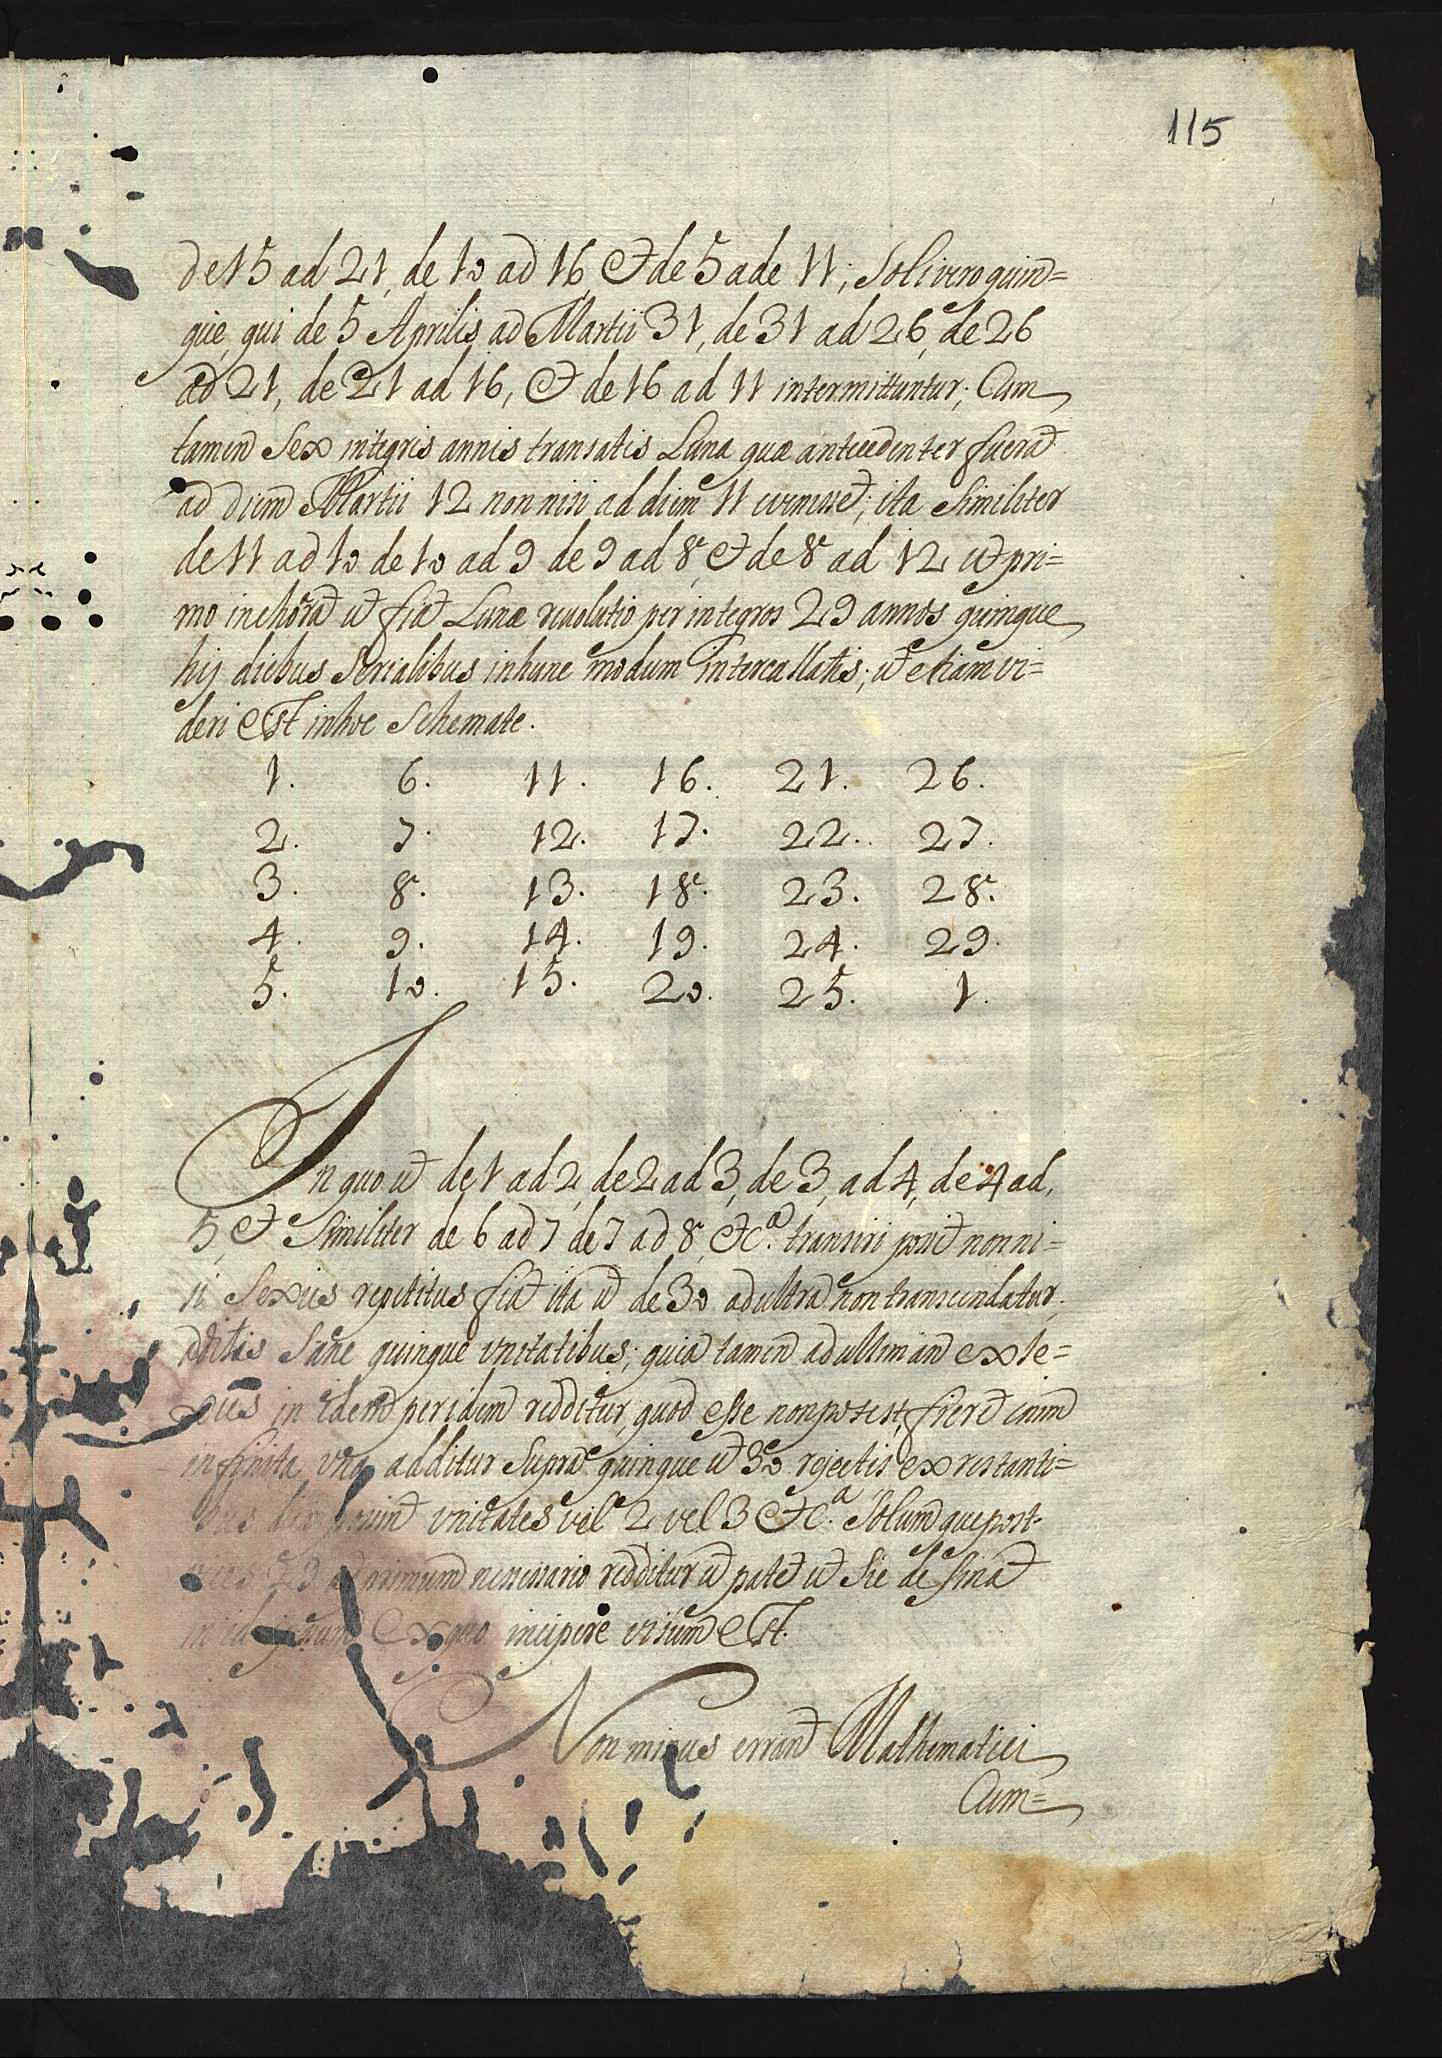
de 15 ad 21, de 10 ad 16, et de 5 a de 11; so livero quin
que, qui de 5 Aprilis ad Martii 31, de 31 ad 26, de 26
ad 21, de 21 ad 16, et de 16 ad 11 intermittuntur; Cum
tamen sex integris annis transatis Luna quæ antecedenter fuerat
ad diem Martii 12 non nisi ad diem 11 e venisset; ita Similiter
de 11 ad 10 de 10 ad 9 de 9 ad 8, et de 8 ad 12 ut pri
mo inchoarat ut fiat Luna reuolutio per integros 29 annos quique
his diebus Serialibus in hunc modum intercallatis; ut etiam vi
deri est in hoc schemate.
1.
6.
11
16.
21.
26.
2.
7
12.
17.
22.
27
3
8.
13.
18.
23.
28.
4
9.
14.
19.
24.
29
5.
10
15.
20.
25.
1
In quo ut de 1 ad 2, de 2 ad 3, de 3, ad 4, de 4 ad,
5, et Similiter de 6 ad 7 de 7 ad 8, etc.a transiri possit nonni
si Sexus repetitus fiat ita ut de 30 ad ultra non transcendatur,
aditis Sane quinque vnitatibus; quia tamen ad ultiman ex se
xus in idem peridem redditur, quod esse non potest, fieret enim
infinita vna additur Supra quinque ut 30 rejectis ex restanti
bus d__ possint vnitates vel 2 vel 3 etc.a Solumque post
vices 29 _ primum nessessario redditur ut patet ut sic desinat
in id ipssum ex quo incipere visum est.
Non minus errant Mathematici
Cum
